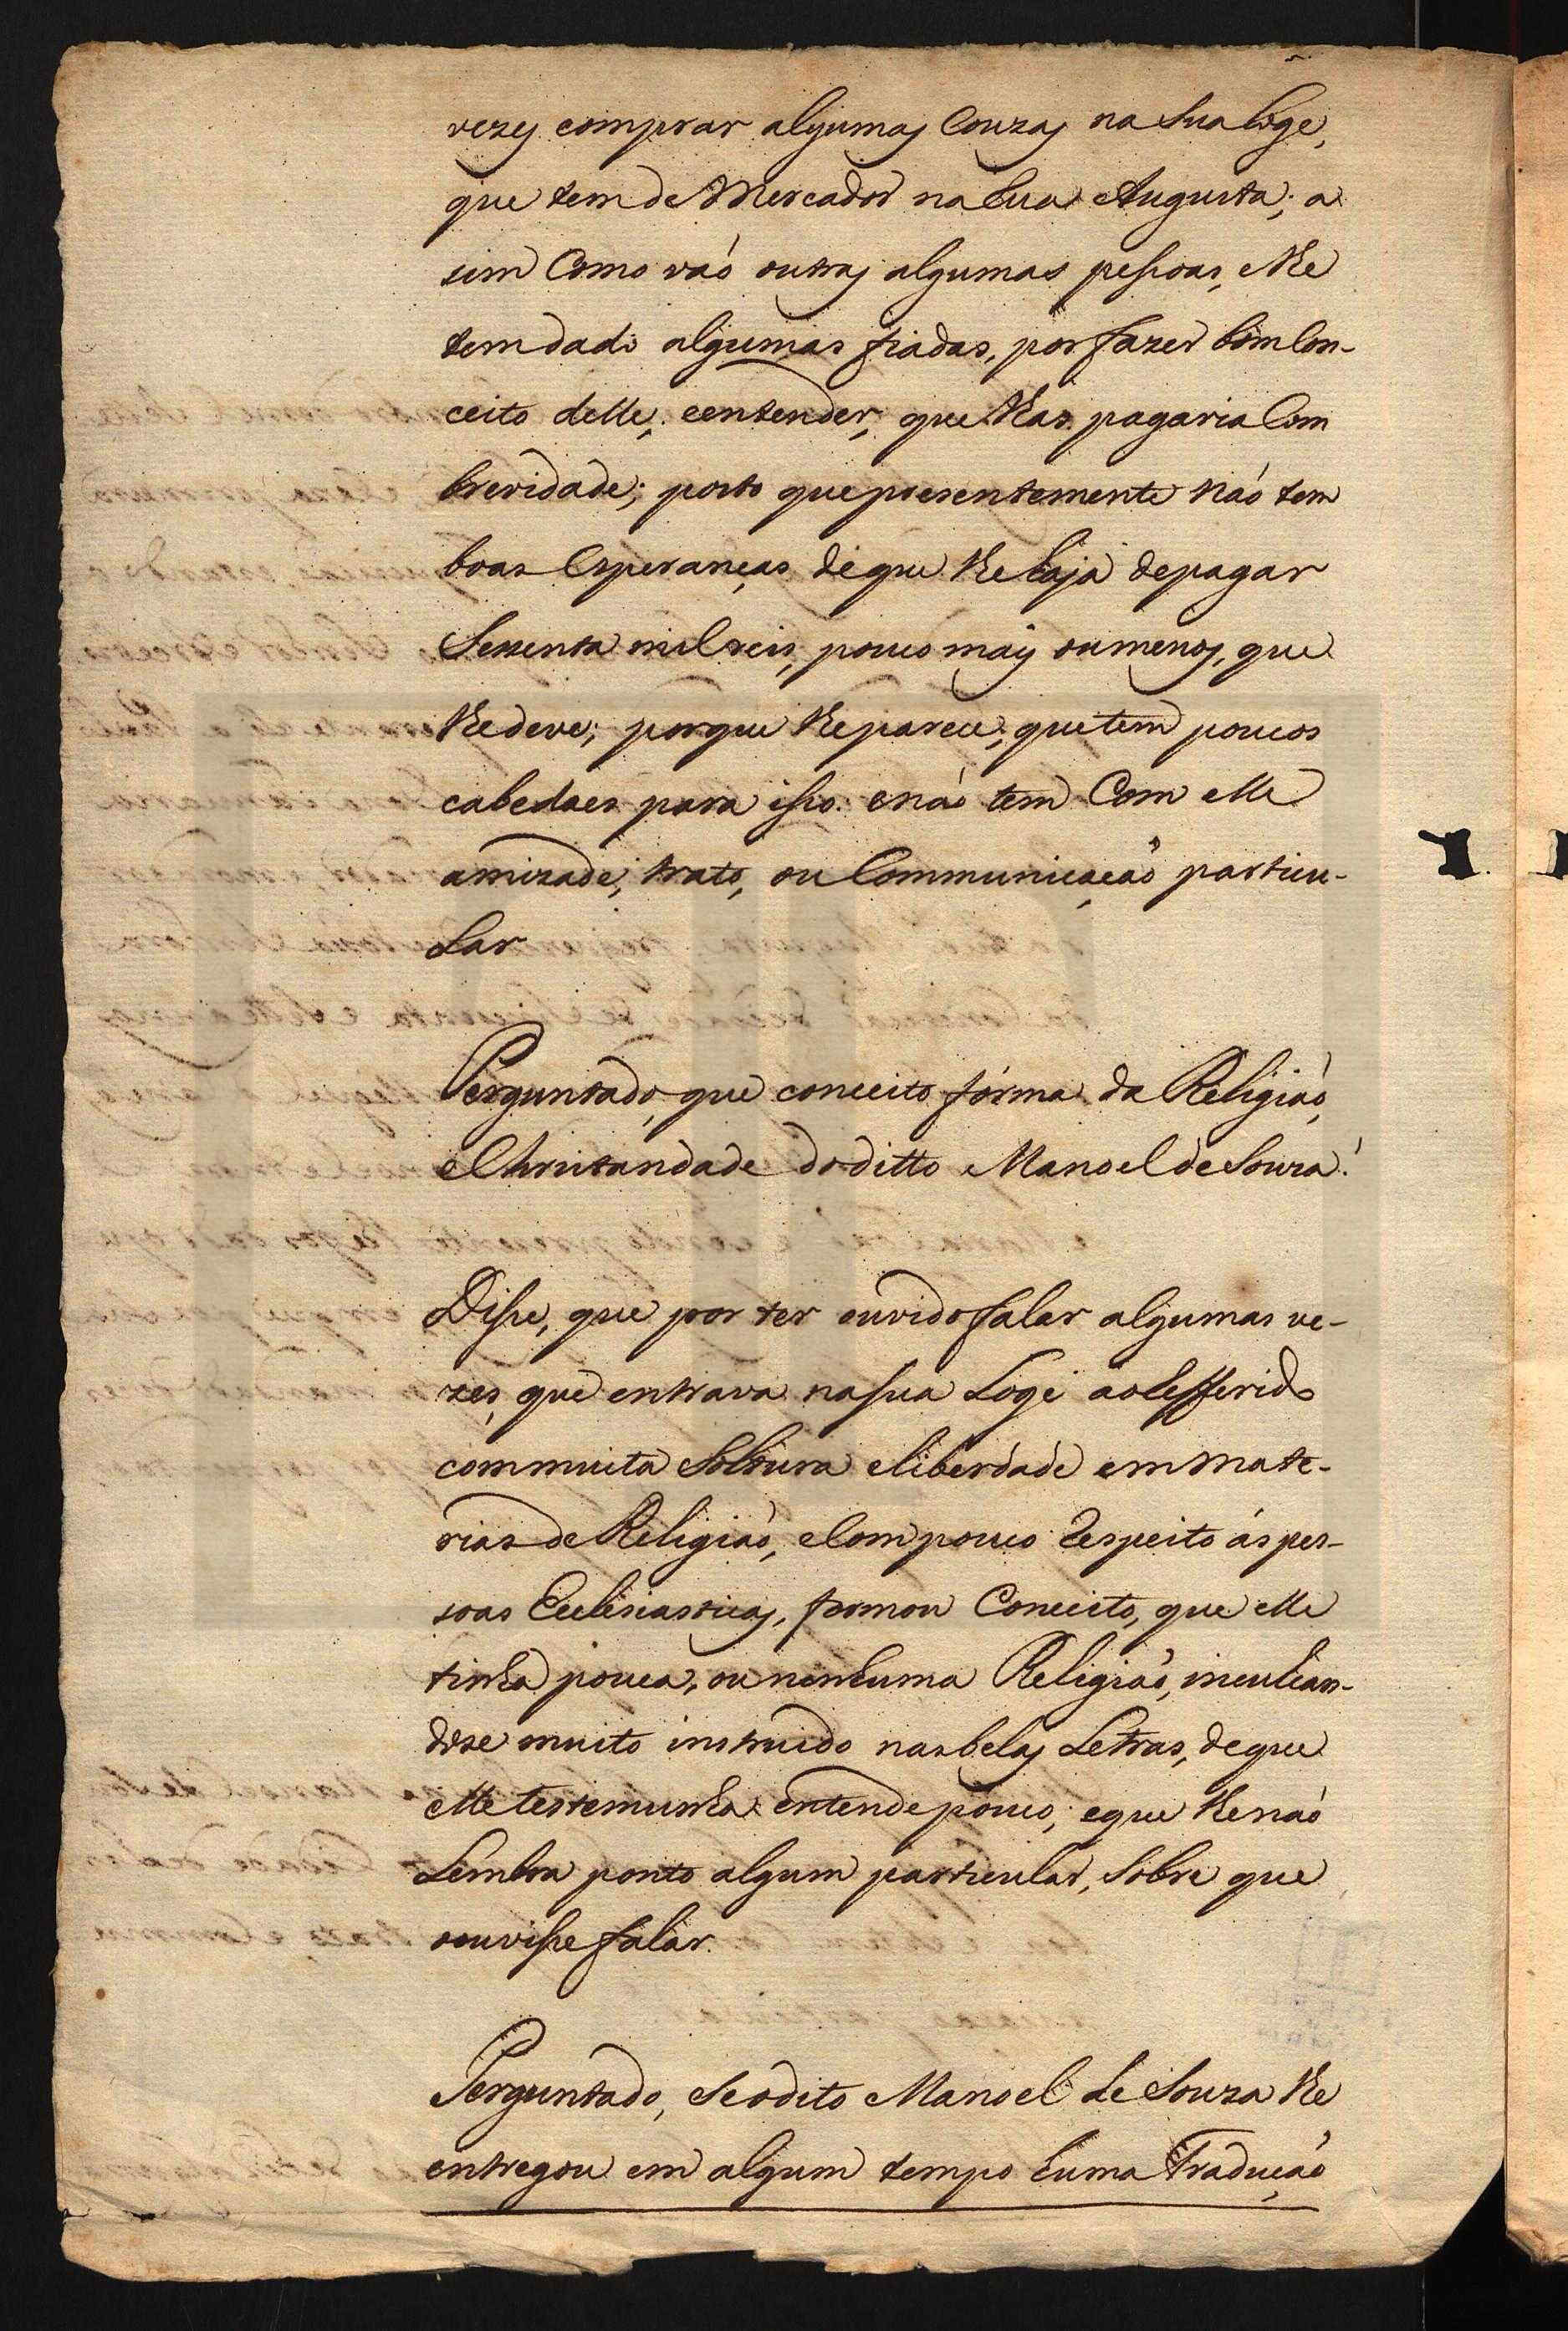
vezes comprar algumas couzas na Sua loge,
que tem de mercador na Rua Augusta; a
sim Como vaõ outras algumas pessoas, e lhe
tem dado algumas fiadas, por fazer bom Con
ceito delle, e entender, que lhas pagaria Com
brevidade; posto que presentemente naõ tem
boas esperanças de que lhe haja de pagar
Sessenta mil reis, pouco mais ou menos, que
lhe deve; porque lhe parece, que tem poucos
cabedaes para isso e naõ tem Com elle
amizade, trato, ou Communicaçaõ particu
Lar
Perguntado, que conceito forma da Religiaõ,
e Christandade do ditto Manoel de Souza?
Disse, que por ter ouvido falar algumas ve
zes, que entrava na sua Loge ao Refferido
com muita Soltura e liberdade em mate
rias de Religiaõ, e Com pouco Respeito ás pe
soas Ecclesiasticas, formou Conceito, que elle
tinha pouca, ou nenhuma Religiaõ, inculcan
dose muito instruido nas belas Letras, de que
elle testemunha entende pouco, e que lhe naõ
Lembra ponto algum particular, Sobre que
o ouvisse falar.
Perguntado, Se o dito Manoel de Souza lhe
entregou em algum tempo huma Traduçaõ
